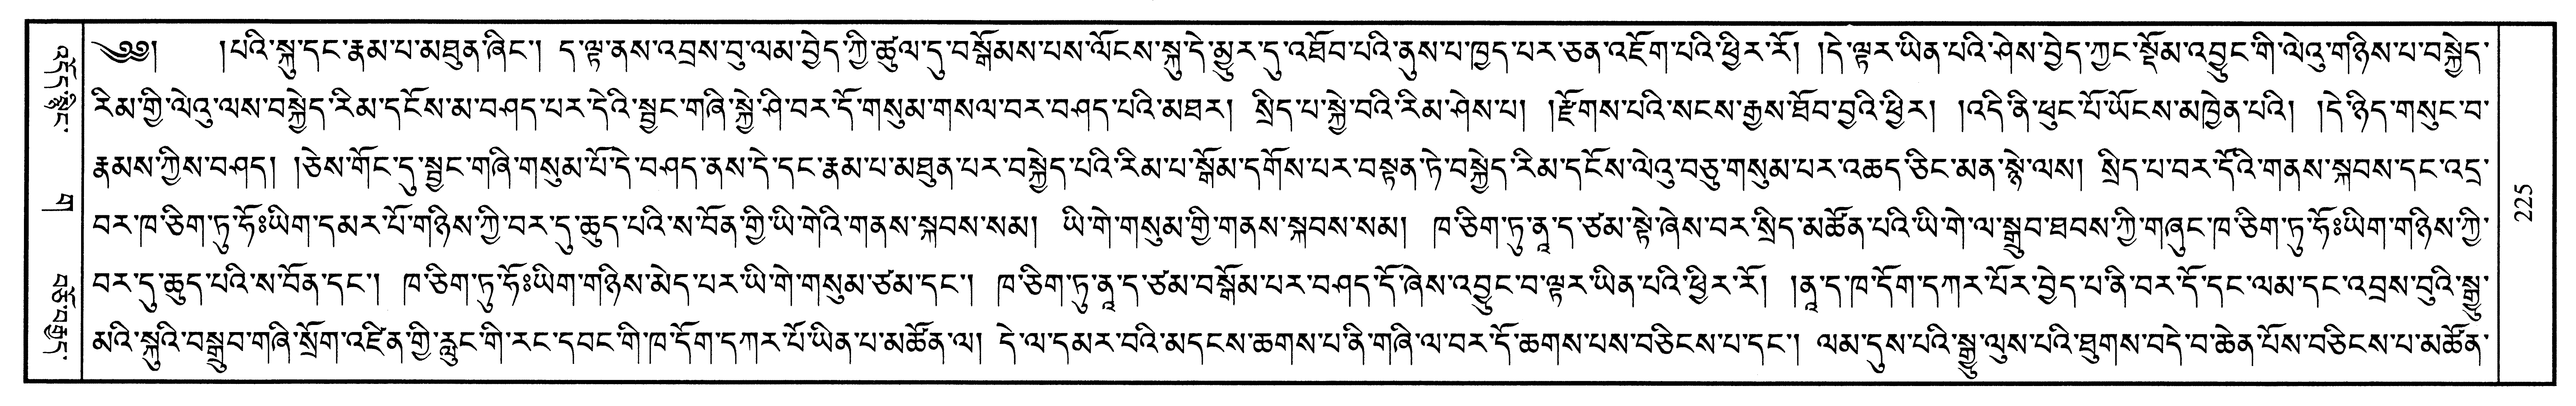༄༅། །པའི་སྐུ་དང་རྣམ་པ་མཐུན་ཞིང་། ད་ལྟ་ནས་འབྲས་བུ་ལམ་བྱེད་ཀྱི་ཚུལ་དུ་བསྒོམས་པས་ལོངས་སྐུ་དེ་མྱུར་དུ་འཐོབ་པའི་ནུས་པ་ཁྱད་པར་ཅན་འཇོག་པའི་ཕྱིར་རོ། །དེ་ལྟར་ཡིན་པའི་ཤེས་བྱེད་ཀྱང་སྡོམ་འབྱུང་གི་ལེའུ་གཉིས་པ་བསྐྱེད་
རིམ་གྱི་ལེའུ་ལས་བསྐྱེད་རིམ་དངོས་མ་བཤད་པར་དེའི་སྦྱང་གཞི་སྐྱེ་ཤི་བར་དོ་གསུམ་གསལ་བར་བཤད་པའི་མཐར། སྲིད་པ་སྐྱེ་བའི་རིམ་ཤེས་པ། །རྫོགས་པའི་སངས་རྒྱས་ཐོབ་བྱའི་ཕྱིར། །འདི་ནི་ཕུང་པོ་ཡོངས་མཁྱེན་པའི། །དེ་ཉིད་གསུང་བ་
རྣམས་ཀྱིས་བཤད། །ཅེས་གོང་དུ་སྦྱང་གཞི་གསུམ་པོ་དེ་བཤད་ནས་དེ་དང་རྣམ་པ་མཐུན་པར་བསྐྱེད་པའི་རིམ་པ་སྒོམ་དགོས་པར་བསྟན་ཏེ་བསྐྱེད་རིམ་དངོས་ལེའུ་བཅུ་གསུམ་པར་འཆད་ཅིང་མན་སྙེ་ལས། སྲིད་པ་བར་དོའི་གནས་སྐབས་དང་འདྲ་
བར་ཁ་ཅིག་ཏུ་ཧོཿ ཡིག་དམར་པོ་གཉིས་ཀྱི་བར་དུ་ཆུད་པའི་ས་བོན་གྱི་ཡི་གེའི་གནས་སྐབས་སམ། ཡི་གེ་གསུམ་གྱི་གནས་སྐབས་སམ། ཁ་ཅིག་ཏུ་ནཱ་ད་ཙམ་སྟེ་ཞེས་བར་སྲིད་མཚོན་པའི་ཡི་གེ་ལ་སྒྲུབ་ཐབས་ཀྱི་གཞུང་ཁ་ཅིག་ཏུ་ཧོཿ ཡིག་གཉིས་ཀྱི་
བར་དུ་ཆུད་པའི་ས་བོན་དང་། ཁ་ཅིག་ཏུ་ཧོཿ ཡིག་གཉིས་མེད་པར་ཡི་གེ་གསུམ་ཙམ་དང་། ཁ་ཅིག་ཏུ་ནཱ་ད་ཙམ་བསྒོམ་པར་བཤད་དོ་ཞེས་འབྱུང་བ་ལྟར་ཡིན་པའི་ཕྱིར་རོ། །ནཱ་ད་ཁ་དོག་དཀར་པོར་བྱེད་པ་ནི་བར་དོ་དང་ལམ་དང་འབྲས་བུའི་སྒྱུ་
མའི་སྐུའི་བསྒྲུབ་གཞི་སྲོག་འཛིན་གྱི་རླུང་གི་རང་དབང་གི་ཁ་དོག་དཀར་པོ་ཡིན་པ་མཚོན་ལ། དེ་ལ་དམར་བའི་མདངས་ཆགས་པ་ནི་གཞི་ལ་བར་དོ་ཆགས་པས་བཅིངས་པ་དང་། ལམ་དུས་པའི་སྒྱུ་ལུས་པའི་ཐུགས་བདེ་བ་ཆེན་པོས་བཅིངས་པ་མཚོན་